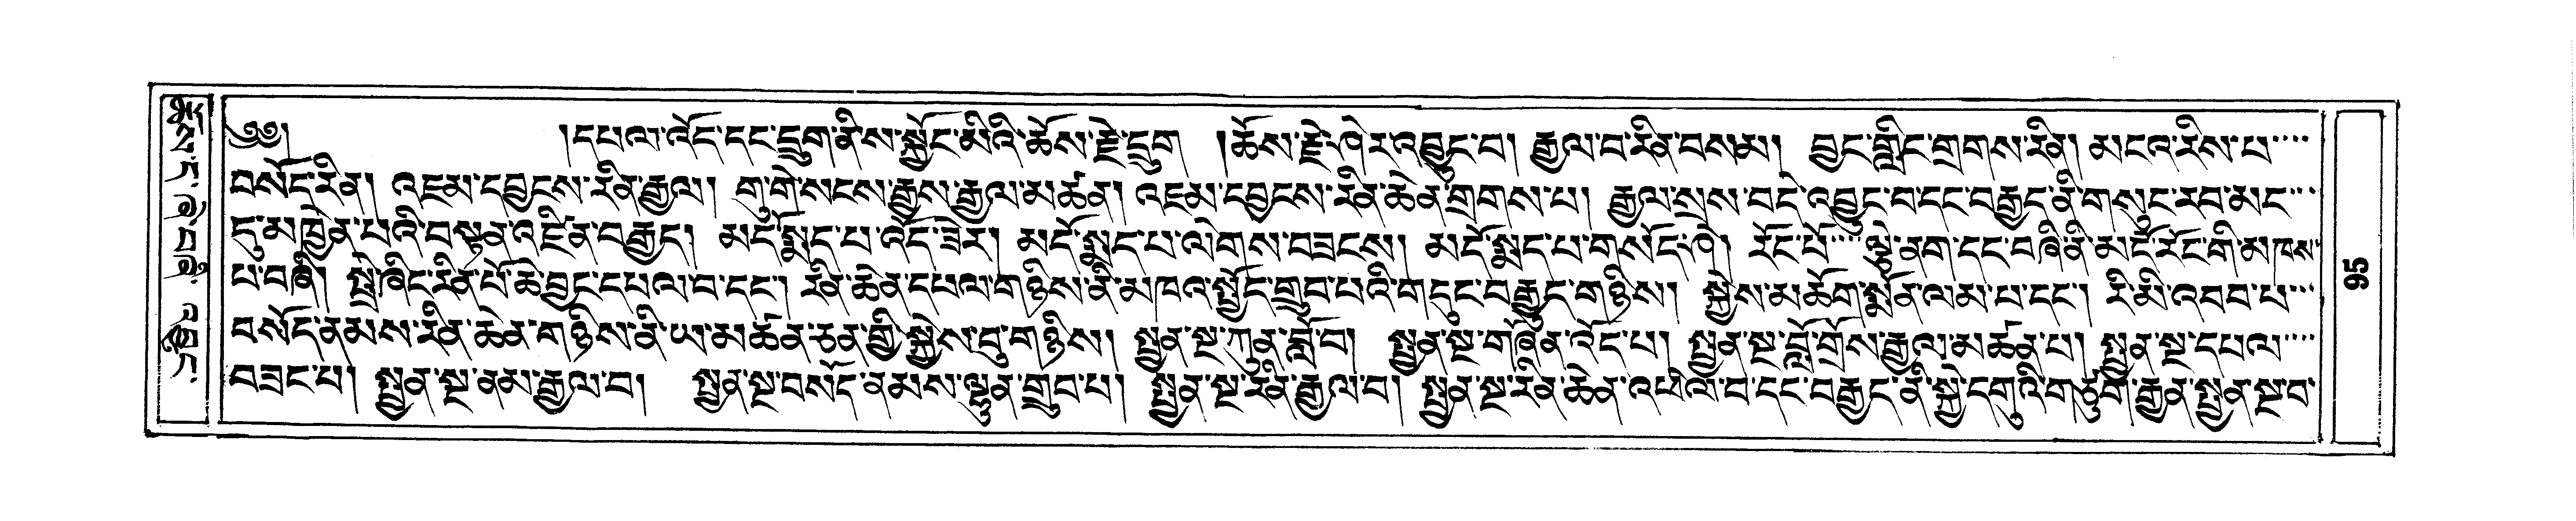༄༅། །དཔལ་འོད་དང་དྲུག་ནི་ས་སྐྱོང་མིའི་ཆོས་རྗེ་དྲུག །ཆོས་རྗེ་ཤེར་འབྱུང་བ། རྒྱལ་བ་རིན་བསམ། བྱང་གླིང་གྲགས་རིན། མངའ་རིས་པ་
བསོད་རིན། འཇམ་དབྱངས་རིན་རྒྱལ། གུ་གེ་སངས་རྒྱས་རྒྱལ་མཚན། འཇམ་དབྱངས་རིན་ཆེན་གྲགས་པ། རྒྱལ་སྲས་བདེ་འབྱུང་བ་དང་བརྒྱད་ནི་གསུང་རབ་མང་
དུ་མཁྱེན་པའི་བསྟན་འཛིན་བརྒྱད། མདོ་སྨད་པ་འོད་ཟེར། མདོ་སྨད་པ་ལེགས་བཟངས། མདོ་སྨད་པ་གསོད་ཤེ། རོང་པོ་ལྕེ་ནག་དང་བཞི་ནི་མདོ་རོང་གི་མཁས་
པ་བཞི། སྤྲེ་ཞིང་རིན་པོ་ཆེ་བྱང་དཔལ་བ་དང་། རིན་ཆེན་དཔལ་གཉིས་ནི་མཁའ་སྤྱོད་གྲུབ་པའི་གདུང་བརྒྱུད་གཉིས། སྐྱེས་མཆོག་སྨོན་ལམ་པ་དང་། རི་མི་འབབ་པ་
བསོད་ནམས་རིན་ཆེན་གཉིས་ནི་ཡ་མཚན་ཅན་གྱི་སྐྱེས་བུ་གཉིས། སྤྱན་སྔ་ཀུན་བློ་བ། སྤྱན་སྔ་གཞོན་འོད་པ། སྤྱན་སྔ་བློ་གྲོས་རྒྱལ་མཚན་པ། སྤྱན་སྔ་དཔལ་
བཟང་པ། སྤྱན་སྔ་ནམ་རྒྱལ་བ། སྤྱན་སྔ་བསོད་ནམས་ལྷུན་གྲུབ་པ། སྤྱན་སྔ་རིན་རྒྱལ་བ། སྤྱན་སྔ་རིན་ཆེན་འཕེལ་བ་དང་བརྒྱད་ནི་སྐྱེ་དགུའི་གཙུག་རྒྱན་སྤྱན་སྔ་བ་